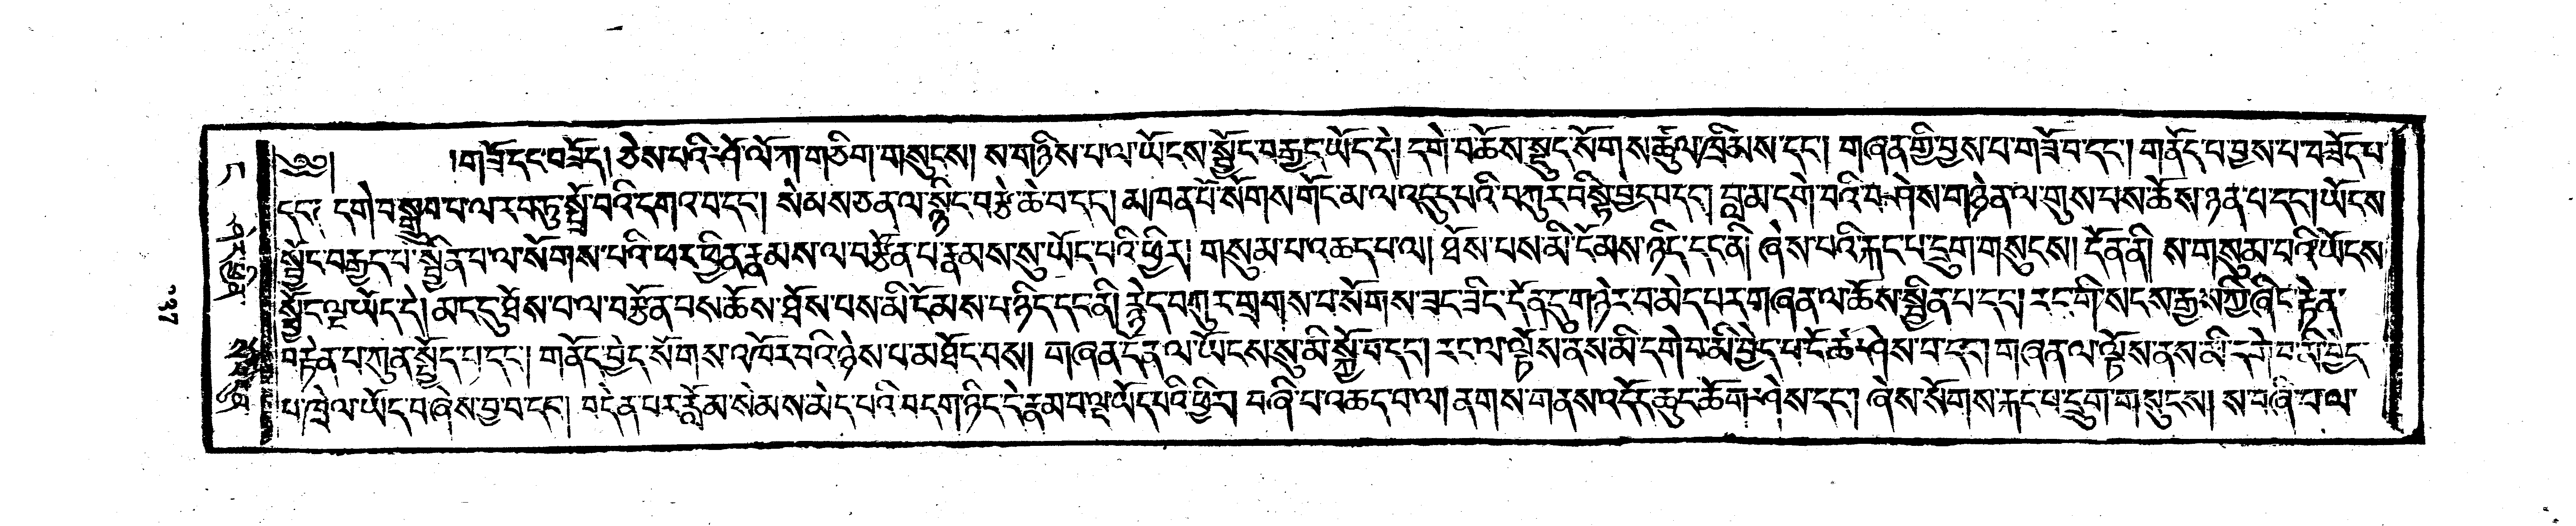༄༅། །གཟོ་དང་བཟོད། ཅེས་པའི་ཤོ་ལོ་ཀ་གཅིག་གསུངས། ས་གཉིས་པ་ལ་ཡོངས་སྦྱོང་བརྒྱད་ཡོད་དེ། དགེ་བ་ཆོས་སྡུད་སོགས་ཚུལ་ཁྲིམས་དང་། གཞན་གྱི་བྱས་པ་གཟོ་བ་དང་། གནད་པ་བྱས་པ་བཟོད་པ་
དང༑ དགེ་བ་སྒྲུབ་པ་ལ་རབ་ཏུ་སྤྲོ་བའི་དགའ་བ་དང་། སེམས་ཅན་ལ་སྙིང་བརྩེ་ཆེ་བ་དང་། མཁན་པོ་སོགས་གོང་མ་ལ་འདུད་པའི་བཀུར་བསྟི་བྱེད་པ་དང་། བླ་མ་དགེ་བའི་བཤེས་གཉེན་ལ་གུས་པས་ཆོས་ཉན་པ་དང་། ཡོངས་
སྦྱོང་བརྒྱད་པ་སྦྱིན་པ་ལ་སོགས་པའི་ཕར་ཕྱིན་རྣམས་ལ་བརྩོན་པ་རྣམས་སུ་ཡོད་པའི་ཕྱིར། གསུམ་པ་འཆད་པ་ལ། ཐོས་པས་མི་ངོམས་ཉིད་དང་ནི། ཞེས་པའི་རྐང་པ་དྲུག་གསུངས། དོན་ནི། ས་གསུམ་པའི་ཡོངས་
སྦྱོང་ལྔ་ཡོད་དེ། མང་དུ་ཐོས་པ་ལ་བརྩོན་པས་ཆོས་ཐོས་པས་མི་ངོམས་པ་ཉིད་དང་ནི། རྙེད་བཀུར་གྲགས་པ་སོགས་ཟང་ཟིང་དོན་དུ་གཉེར་བ་མེད་པར་གཞན་ལ་ཆོས་སྦྱིན་པ་དང་། རང་གི་སངས་རྒྱས་ཀྱི་ཞིང་རྟེན་
བརྟེན་པ་ཀུན་སྤྱོད་པ་དང་། གནོད་བྱེད་སོགས་འཁོར་བའི་ཉེས་པ་མཐོང་བས། གཞན་དོན་ལ་ཡོངས་སུ་མི་སྐྱོ་བ་དང་། རང་ལ་ལྟོས་ནས་མི་དགེ་བ་མི་བྱེད་པ་ངོ་ཚ་ཤེས་པ་དང་། གཞན་ལ་ལྟོས་ནས་མི་དགེ་བ་མི་བྱེད་
པ་ཁྲེལ་ཡོད་པ་ཞེས་བྱ་བ་དང་། བདེན་པར་རློམ་སེམས་མེད་པའི་བདག་ཉིད་དེ་རྣམ་པ་ལྔ་ཡོད་པའི་ཕྱིར། བཞི་པ་འཆད་པ་ལ། ནགས་གནས་འདོད་ཆུང་ཆོག་ཤེས་དང་། ཞེས་སོགས་རྐང་པ་དྲུག་གསུངས། ས་བཞི་པ་ལ་